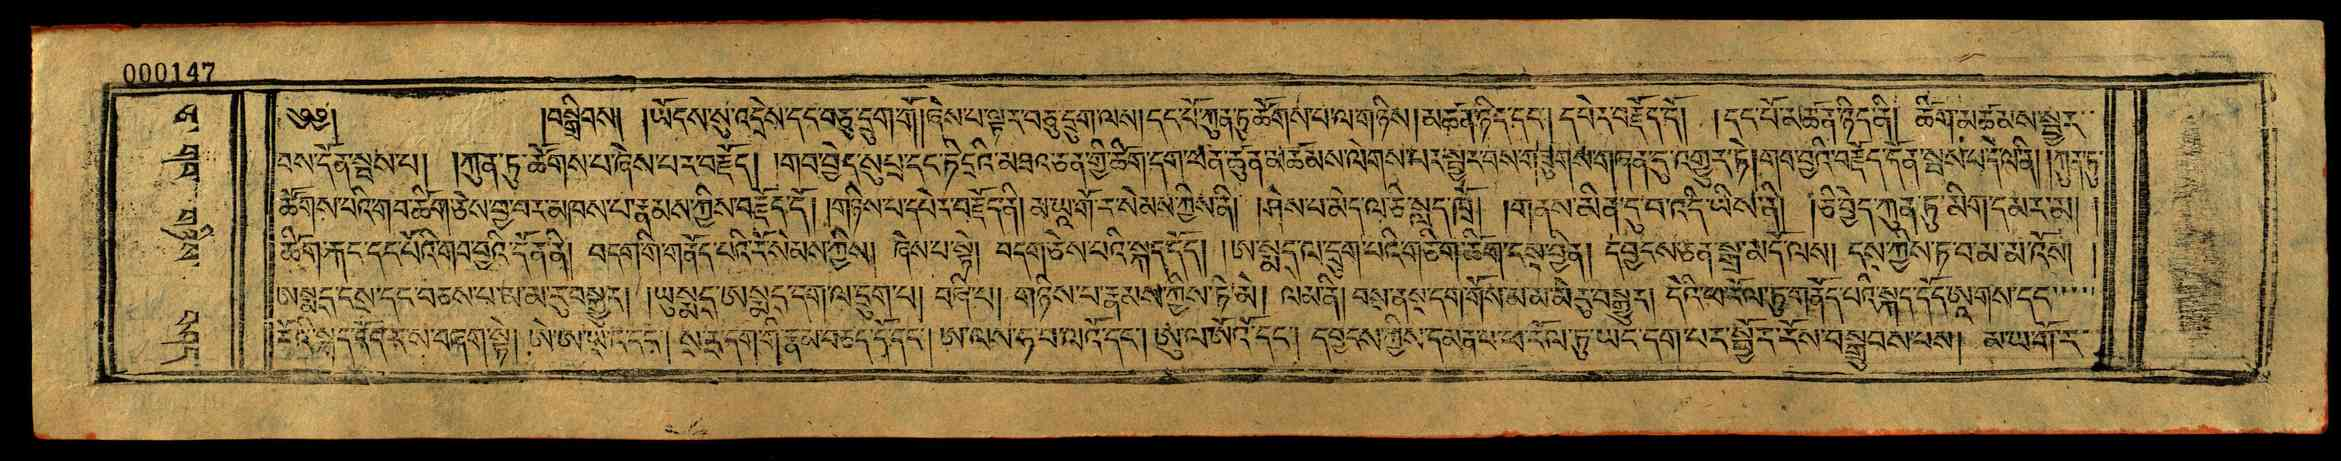༄༅། །བསྒྲིབས། །ཡོངས་སུ་འདྲས་དང་བཅུ་དྲུག་གོ། ཞེས་པ་ལྟར་བཅུ་དྲུག་ལས། དང་པོ་ཀུན་ཏུ་ཚོགས་པ་ལ་གཉིས། མཚན་ཉིད་དང་། དཔེར་བརྗོད་དོ། །དང་པོ་མཚན་ཉིད་ནི། ཚིག་མཚམས་སྦྱར་
བས་དོན་སྦས་པ། །ཀུན་ཏུ་ཚོགས་པ་ཞེས་པར་བརྗོད། །གབ་བྱེད་སུཔྲ་དང་ཏིངའི་མཐའ་ཅན་གྱི་ཚིག་དག་ཕན་ཚུན་མཚམས་ལེགས་པར་སྦྱར་བས་གཟུགས་གཞན་དུ་འགྱུར་ཏེ། གབ་བྱའི་བརྗོད་དོན་སྔས་པ་དེ་ལ་ནི། །ཀུན་ཏུ་
ཚོགས་པའི་གབ་ཚིག་ཅེས་བྱ་བར་མཁས་པ་རྣམས་ཀྱིས་བརྗོད་དོ། །གཉིས་པ་དཔེར་བརྗོད་ནི། མ་ཡཱ་གོར་སེམས་ཀྱིས་ནི། །ཤེས་པ་མེད་ལ་ཅི་སླང་ཁྲོ། །གནས་མིན་དུ་བ་འདི་ཡིས་ནི། །ཅི་བྱེད་ཀུན་ཏུ་མིག་དམར་མ། །
ཚིག་རྐང་དང་པོའི་གབ་བྱའི་དོན་ནི། བདག་གི་གནོད་པའི་རོ་སེམས་ཀྱིས། ཞེས་པ་སྟེ། བདག་ཅེས་པའི་སྐད་དོད། །ཨསྨདྲ་ལ་དྲུག་པའི་གཅིག་ཚིག་ངས་བྱིན། དབྱགནས་ཅན་སྒྲ་མདོ་ལས། ངས་ཀྱིས་ཏ་བ་མ་མ་འོས། །
ཨསྨད་ངས་དང་བཅས་པ་མ་མ་རུ་བསྒྱུར། །ཡུསྨངྲ་ཨསྨད་ངག་ལ་དྲུག་པ། བཞི་པ། གཉིས་པ་རྣམས་ཀྱིས་ཏེ་མེ། བམྲ་ནཽ། བསྲ་ནས་དག་གོས་མ་མ་མེ་རུ་བསྒྱུར། དེའི་ཕ་རོལ་ཏུ་གནོད་པའི་སྐད་དོད་ཨཱ་གསུ་དང་
རོའི་སྐད་དོད་ར་ས་བཞག་སྟེ། ཨེ་ཨ་ཡའོ་དང་། སྲ་ར་དག་གི་རྣམ་བཅད་དོ་དང་། ཨ་ལས་ཧ་བ་ལའོ་དང་། ཨུ་ལ་ཨོའོ་དང་། དབྱངས་ཀྱིས་དམན་པ་ཕ་རོལ་ཏུ་ཡང་དག་པར་སྦྱོར་རོས་བསྒྲུབས་པས། མ་ཡཱ་གོ་ར་